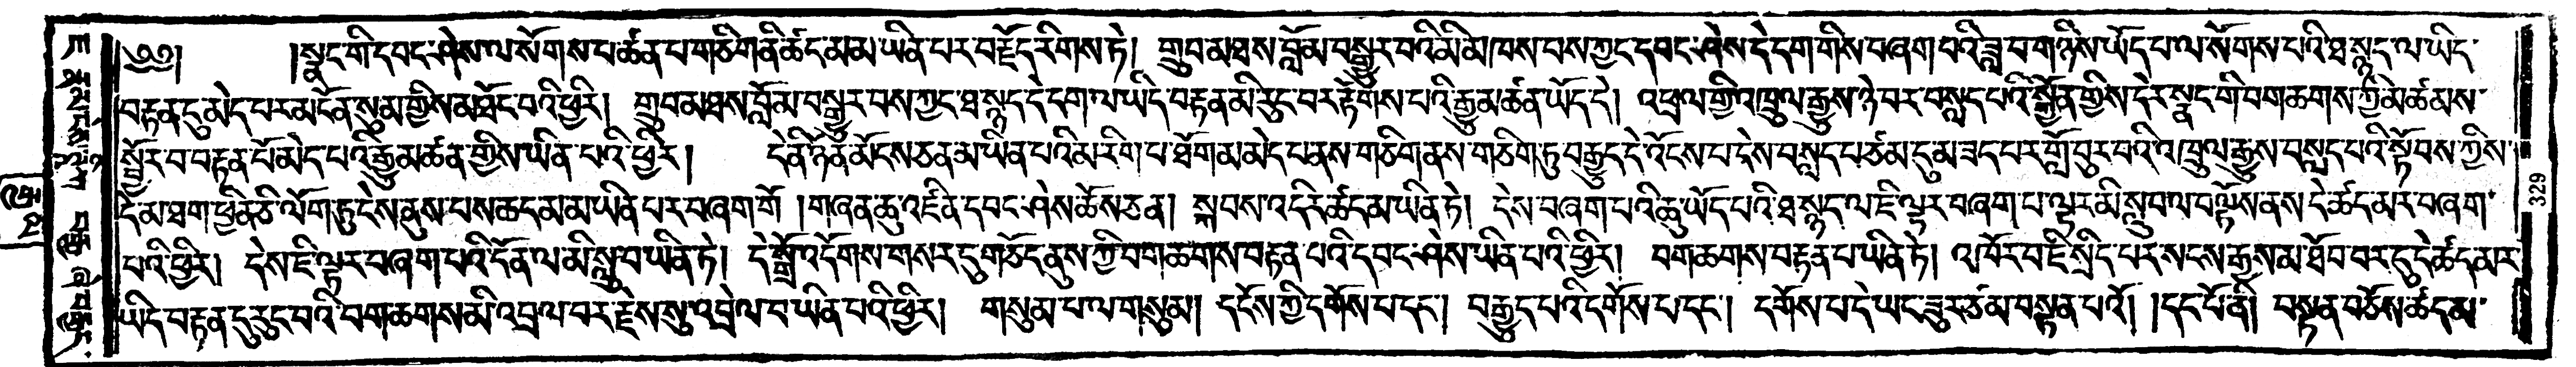༄༅། །སྣང་གི་དབང་ཤེས་ལ་སོགས་པ་ཚན་པ་གཅིག་ནི་ཚད་མ་མ་ཡིན་པར་བརྗོད་རིགས་ཏེ། གྲུབ་མཐས་བློ་མ་བསྒྱུར་བའི་མི་མཁས་པས་ཀྱང་དབང་ཤེས་དེ་དག་གིས་བཞག་པའི་ཟླ་བ་གཉིས་ཡོད་པ་ལ་སོགས་པའི་ཐ་སྙད་ལ་ཡིད་
བརྟན་དུ་མེད་པར་མངོན་སུམ་གྱིས་མཐོང་བའི་ཕྱིར། གྲུབ་མཐས་བློ་མ་བསྒྱུར་བས་ཀྱང་ཐ་སྙད་དེ་དག་ལ་ཡིད་བརྟན་མི་རུང་བར་རྟོགས་པའི་རྒྱུ་མཚན་ཡོད་དེ། འཕྲལ་གྱི་འཁྲུལ་རྒྱུས་ཉེ་བར་བསླད་པའི་སྐྱོན་གྱིས་དེར་སྣང་གི་བག་ཆགས་ཀྱི་མཚམས་
སྦྱོར་བ་བརྟན་པོ་མེད་པའི་རྒྱུ་མཚན་གྱིས་ཡིན་པའི་ཕྱིར། དེ་ནི་ཉོན་མོངས་ཅན་མ་ཡིན་པའི་མ་རིག་པ་ཐོག་མ་མེད་པ་ནས་གཅིག་ནས་གཅིག་ཏུ་བརྒྱུད་དེ་འོངས་པ་དེས་བསླད་པ་ཙམ་དུ་མ་ཟད་པར་གློ་བུར་བའི་འཁྲུལ་རྒྱུས་བསླད་པའི་སྟོབས་ཀྱིས་
དེ་མ་ཐག་ཕྱིན་ཅི་ལོག་ཏུ་ངེས་ནུས་པས་ཆད་མ་མ་ཡིན་པར་བཞག་གོ །གཞན་ཆུ་འཛིན་དབང་ཤེས་ཆོས་ཅན། སྐབས་འདིར་ཚད་མ་ཡིན་ཏེ། དེས་བཞག་པའི་ཆུ་ཡོད་པའི་ཐ་སྙད་ལ་ཇི་ལྟར་བཞག་པ་ལྟར་མི་སླུ་བ་ལ་བལྟོས་ནས་དེ་ཚད་མར་བཞག་
པའི་ཕྱིར། དེས་ཇི་ལྟར་བཞག་པའི་དོན་ལ་མི་སླུ་བ་ཡིན་ཏེ། དེ་སྒྲོ་འདོགས་གསར་དུ་གཅོད་ནུས་ཀྱི་བག་ཆགས་བརྟན་པའི་དབང་ཤེས་ཡིན་པའི་ཕྱིར། བག་ཆགས་བརྟན་པ་ཡིན་ཏེ། འཁོར་བ་ཇི་སྲིད་པར་སངས་རྒྱས་མ་ཐོབ་བར་དུ་དེ་ཚད་མར་
ཡིད་བརྟན་དུ་རུང་བའི་བག་ཆགས་མི་འབྲལ་བར་རྗེས་སུ་འབྲེལ་པ་ཡིན་པའི་ཕྱིར། གསུམ་པ་ལ་གསུམ། དངོས་ཀྱི་དགོས་པ་དང་། བརྒྱུད་པའི་དགོས་པ་དང་། དགོས་པ་དེ་ཡང་ཟུར་ཙམ་བསྟན་པའོ། །དང་པོ་ནི། བསྟན་བཅོས་ཚད་མ་